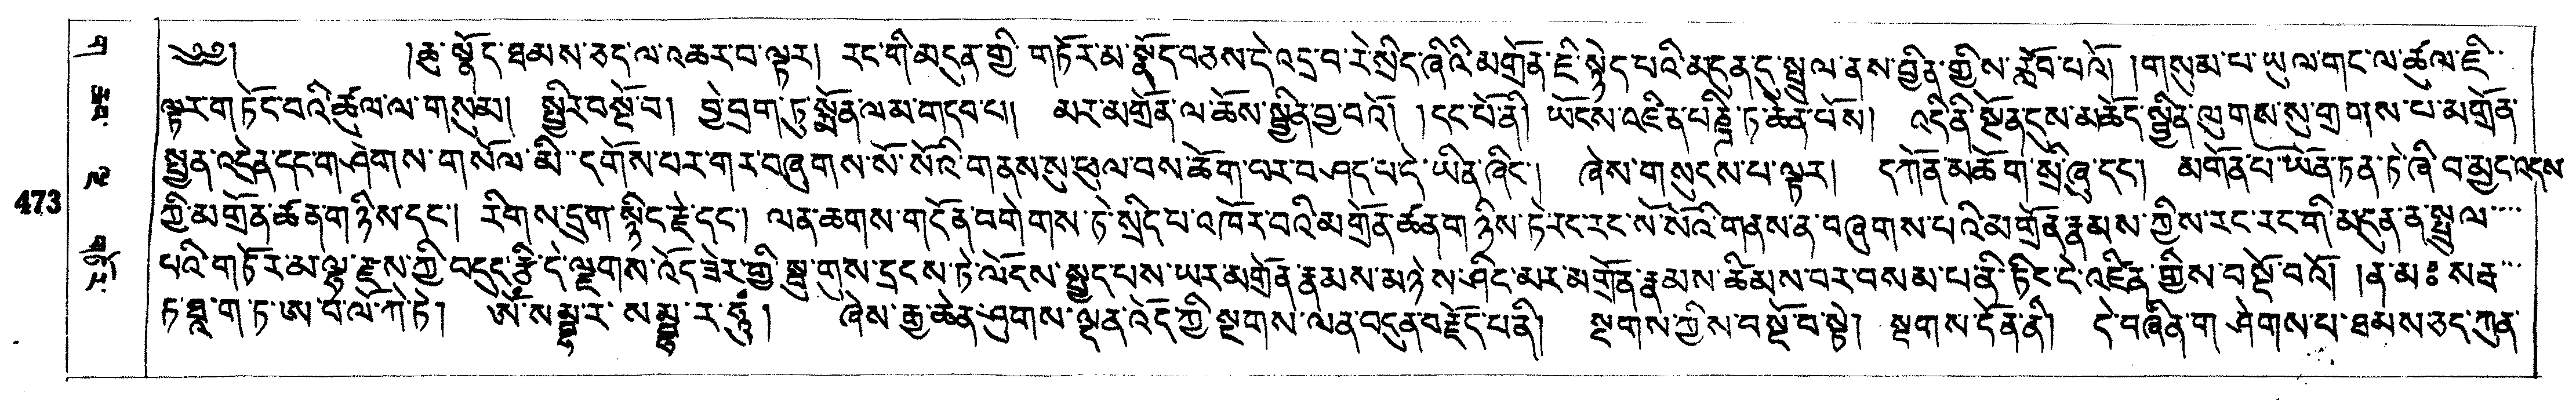༄༅། །ཆུ་སྣོད་ཐམས་ཅད་ལ་འཆར་བ་ལྟར། རང་གི་མདུན་གྱི་གཏོར་མ་སྣོད་བཅས་དེ་འདྲ་བ་རེ་སྲིད་ཞིའི་མགྲོན་ཇི་སྙེད་པའི་མདུན་དུ་སྤྲུལ་ནས་བྱིན་གྱིས་རློབ་པའོ། །གསུམ་པ་ཡུལ་གང་ལ་ཚུལ་ཇི་
ལྟར་གཏོང་བའི་ཚུལ་ལ་གསུམ། སྤྱིར་བསྔོ་བ། བྱེ་བྲག་ཏུ་སྨོན་ལམ་གདབ་པ། མར་མགྲོན་ལ་ཆོས་སྦྱིན་བྱ་བའོ། །དང་པོ་ནི། ཡོངས་འཛིན་པཎྜི་ཏ་ཆེན་པོས། འདི་ནི་སྔོན་དུས་མཆོད་སྦྱིན་ལུགས་སུ་གྲགས་པ་མགྲོན་
སྤྱན་འདྲེན་དང་གཤེགས་གསོལ་མི་དགོས་པར་གར་བཞུགས་སོ་སོའི་གནས་སུ་ཕུལ་བས་ཆོག་བར་བཤད་པ་དེ་ཡིན་ཞིང་། ཞེས་གསུངས་པ་ལྟར། དཀོན་མཆོག་སྲི་ཞུ་དང་། མགོན་པོ་ཡོན་ཏན་ཏེ་ཞི་བ་མྱང་འདས་
ཀྱི་མགྲོན་ཚན་གཉིས་དང་། རིགས་དྲུག་སྙིང་རྗེ་དང་། ལན་ཆགས་གདོན་བགེགས་ཏེ་སྲིད་པ་འཁོར་བའི་མགྲོན་ཚན་གཉིས་ཏེ་རང་རང་སོ་སོའི་གནས་ན་བཞུགས་པའི་མགྲོན་རྣམས་ཀྱིས་རང་རང་གི་མདུན་ན་སྤྲུལ་
པའི་གཏོར་མ་ལྷ་རྫས་ཀྱི་བདུད་རྩི་དེ་ལྗགས་འོད་ཟེར་གྱི་སྤུ་གུས་དྲངས་ཏེ་ལོངས་སྤྱད་པས་ཡར་མགྲོན་རྣམས་མཉེས་ཤིང་མར་མགྲོན་རྣམས་ཚིམས་པར་བསམ་པ་ནི་ཏིང་ངེ་འཛིན་གྱིས་བསྔོ་བའོ། །ན་མཿསརྦ་
ཏ་ཐཱ་ག་ཏ་ཨ་བ་ལོ་ཀེ་ཏེ། ཨོཾ་སམྦྷ་ར་སམྦྷ་ར་ཧཱུཾ། ཞེས་རྒྱ་ཆེན་ཤུགས་ལྡན་འོད་ཀྱི་སྔགས་ལན་བདུན་བརྗོད་པ་ནི། སྔགས་ཀྱིས་བསྔོ་བ་སྟེ། སྔགས་དོན་ནི། དེ་བཞིན་གཤེགས་པ་ཐམས་ཅད་ཀུན་